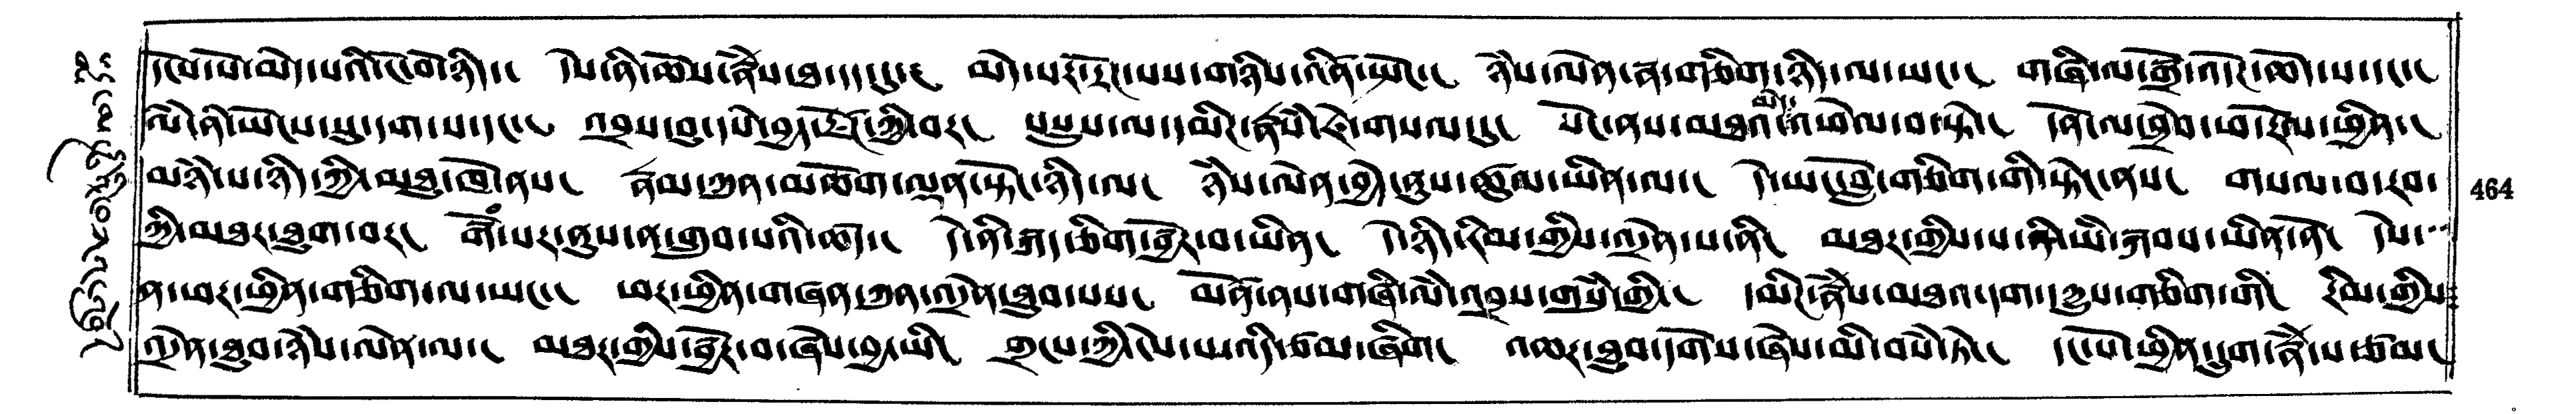དངོས་པོ་མེད་པའི་ངོ་བོ་ཉིད། །དེས་ནི་ཆོས་རྣམས་ཐ་དད་དུ། །མེད་པར་རྟོགས་པས་གཉིས་འཛིན་སྤོང་། །ཉམས་ལེན་སྣ་གཅིག་ཉིད་ལ་ཡང་། །གཞི་ལ་སྒྲོ་འདོགས་ཆོད་པ་དང་། །
ལམ་ནི་ཡོངས་སུ་དག་པ་དང་། །འབྲས་བུ་དཔེ་བྱད་རྫོགས་ཀྱི་བར། །བསྡུས་ལ་དམིགས་རྣམ་ཇེ་གསལ་དུ། །སོང་ནས་མཐའ་མེད་འཕེལ་བ་སྟེ། །དོན་ལ་ཤེས་རབ་ཕ་རོལ་ཕྱིན། །
མཉམ་པ་ཉིད་ཀྱི་མཐུ་ཁོ་ནས། །རྣམ་ཀུན་མཆོག་ལྡན་སྟོང་ཉིད་ལ། །ཉམས་ལེན་བྱེད་ནུས་ཚུལ་ཡིན་ལ། །དེ་ཡང་བློ་གཅིག་གི་སྟེང་ནས། །གསལ་བ་རབ་
ཀྱི་མཐར་ཐུག་བར། །སྒོམ་པར་ནུས་ན་གྲུབ་པའི་ཚད། །དེ་ནི་སྐད་ཅིག་སྦྱོར་བ་ཡིན། །དེ་ཉིད་རིམ་གྱིས་འདྲེན་པ་ནི། །མཐར་གྱིས་པ་ཡི་སྐབས་ཡིན་ནོ། །དེས་
ན་ཕར་ཕྱིན་གཅིག་ལ་ཡང་། །ཕར་ཕྱིན་གཞན་ཀུན་འདྲེན་ཐུབ་པས། །མཚོན་ནས་གཞི་ལམ་འབྲས་གསུམ་གྱི། །དམིགས་རྣམ་མཐའ་དག་དཀྱུས་གཅིག་གི། །རིམ་གྱིས་
འདྲེན་ཐུབ་ཉམས་ལེན་ལ། །མཐར་གྱིས་སྦྱོར་བ་ཞེས་བྱ་ཡི། །གྲངས་ཀྱི་ངེས་པ་འདི་ཙམ་ཞིག །འཆར་ཐུབ་དགོས་ཞེས་མི་བསམ་སྟེ། །དང་པོ་ཕྱིན་དྲུག་རྣམ་པ་ཙམ།།